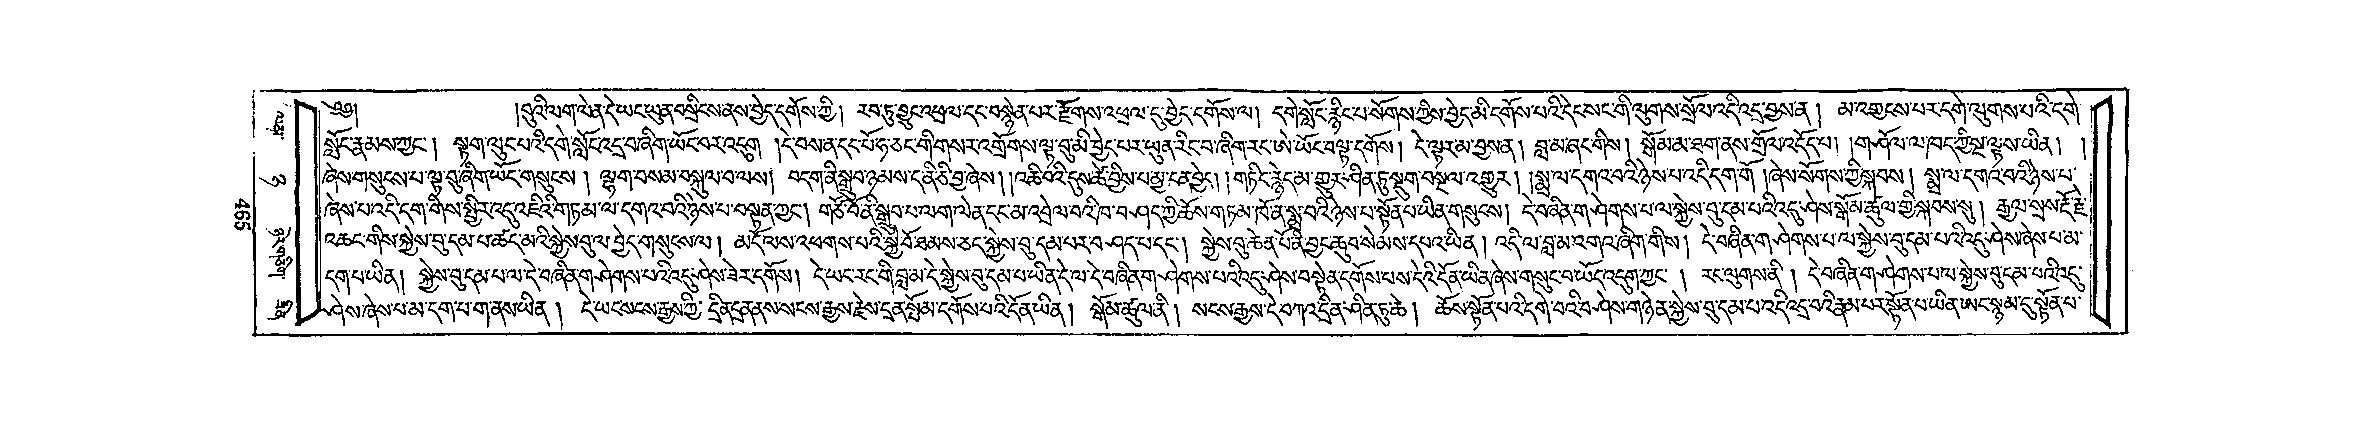༄༅། །བུའི་ལག་ལེན་དེ་ཡང་ཡུན་བསྲིངས་ནས་བྱེད་དགོས་ཀྱི། རབ་ཏུ་བྱུང་འཕྲལ་དང་བསྙེན་པར་རྫོགས་འཕྲལ་དུ་བྱེད་དགོས་ལ། དགེ་སློང་རྙིང་པ་སོགས་ཀྱིས་བྱེད་མི་དགོས་པའི་དེང་སང་གི་ལུགས་སྲོལ་འདི་འདྲ་བྱས་ན། མ་འགྱངས་པར་དགེ་ལུགས་པའི་དགེ་
སློང་རྣམས་ཀྱང་། སྟག་ལུང་པའི་དགེ་སློང་འདྲ་བ་ཞིག་ཡོང་བར་འདུག །དེ་བས་ན་དང་པོ་ཧ་ཅང་གི་གསར་འགྲོགས་ལྟ་བུ་མི་བྱེད་པར་ཡུན་རིང་བ་ཞིག་རང་ཨེ་ཡོང་བལྟ་དགོས། དེ་ལྟར་མ་བྱས་ན། བླ་མ་ཞང་གིས། སྒོམ་མ་ཐག་ནས་གྲོལ་འདོད་པ། །གཤོལ་ལ་ཁད་ཀྱི་སྔ་ལྟས་ཡིན། །
ཞེས་གསུངས་པ་ལྟ་བུ་ཞིག་ཡོད་གསུངས། ལྷག་བསམ་བསྐུལ་བ་ལས། བདག་ནི་སྒྲུབ་ཉམས་ད་ནི་ཅི་བྱ་ཞེས། །འཆི་བའི་དུས་ཚེ་བྱིས་པ་མྱ་ངན་བྱེད། །གཏིང་རྙེད་མ་གྱུར་ཤིན་ཏུ་སྡུག་བསྔལ་འགྱུར། །སྨྲ་ལ་དགའ་བའི་ཉེས་པ་འདི་དག་གོ །ཞེས་སོགས་ཀྱི་སྐབས། སྨྲ་ལ་དགའ་བའི་ཉེས་པ་
ཞེས་པ་འདི་དག་གིས་སྤྱིར་འདུ་འཇིའི་གཏམ་ལ་དགའ་བའི་ཉེས་པ་བསྟན་ཀྱང་། གཙོ་བོ་ནི་སྒྲུབ་པ་ལག་ལེན་དང་མ་འབྲེལ་བའི་ཁ་བཤད་ཀྱི་ཆོས་གཏམ་ཁོ་ན་སྨྲ་བའི་ཉེས་པ་སྟོན་པ་ཡིན་གསུངས། དེ་བཞིན་གཤེགས་པ་ལ་སྐྱེས་བུ་དམ་པའི་འདུ་ཤེས་སྒོམ་ཚུལ་གྱི་སྐབས་སུ། རྒྱལ་སྲས་རྡོ་རྗེ་
འཆང་གིས་སྐྱེས་བུ་དམ་པ་ཚད་མའི་སྐྱེས་བུ་ལ་བྱེད་གསུངས་ལ། མདོ་ལས་འཕགས་པའི་སྐྱེ་བོ་ཐམས་ཅད་སྐྱེས་བུ་དམ་པར་བཤད་པ་དང་། སྐྱེས་བུ་ཆེན་པོ་ནི་བྱང་ཆུབ་སེམས་དཔའ་ཡིན། འདི་ལ་བླ་མ་འགའ་ཞིག་གིས། དེ་བཞིན་གཤེགས་པ་ལ་སྐྱེས་བུ་དམ་པའི་འདུ་ཤེས་ཞེས་པ་མ་
དག་པ་ཡིན། སྐྱེས་བུ་དམ་པ་ལ་དེ་བཞིན་གཤེགས་པའི་འདུ་ཤེས་ཟེར་དགོས། དེ་ཡང་རང་གི་བླ་མ་དེ་སྐྱེས་བུ་དམ་པ་ཡིན་དེ་ལ་དེ་བཞིན་གཤེགས་པའི་འདུ་ཤེས་བསྟེན་དགོས་པས་དེའི་དོན་ཡིན་ཞེས་གསུང་བ་ཡོད་འདུག་ཀྱང་། རང་ལུགས་ནི། དེ་བཞིན་གཤེགས་པ་ལ་སྐྱེས་བུ་དམ་པའི་འདུ་
ཤེས་ཞེས་པ་མ་དག་པ་གནས་ཡིན། དེ་ཡང་སངས་རྒྱས་ཀྱི་དྲིན་དྲན་ནས་སངས་རྒྱས་རྗེས་དྲན་སྤོམ་དགོས་པའི་དོན་ཡིན། སྒོམ་ཚུལ་ནི། སངས་རྒྱས་དེ་བཀའ་དྲིན་ཤིན་ཏུ་ཆེ། ཆོས་སྟོན་པའི་དགེ་བའི་བཤེས་གཉེན་སྐྱེས་བུ་དམ་པ་འདི་འདྲ་བའི་རྣམ་པར་སྟོན་པ་ཡིན་ཡང་སྙམ་དུ་སྟོན་པ་